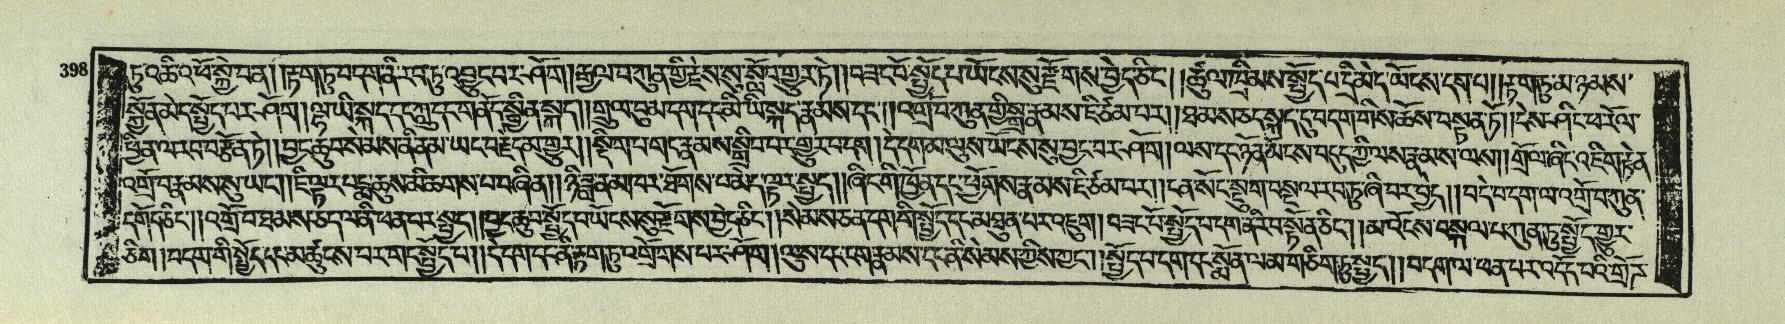ཏུ་འཆི་འཕོ་སྐྱེ་བ་ན། །རྟག་ཏུ་བདག་ནི་རབ་ཏུ་འབྱུང་བར་ཤོག །རྒྱལ་བ་ཀུན་གྱི་རྗེས་སུ་སློབ་གྱུར་ཏེ། །བཟང་པོ་སྤྱོད་པ་ཡོངས་སུ་རྫོགས་བྱེད་ཅིང་། །ཚུལ་ཁྲིམས་སྤྱོད་པ་དྲི་མེད་ཡོངས་དག་པ། །རྟག་ཏུ་མ་ཉམས་
སྐྱོན་མེད་སྤྱོད་པར་ཤོག །ལྷ་ཡི་སྐད་དང་ཀླུ་དང་གནོད་སྦྱིན་སྐད། །གྲུལ་བུམ་དག་དང་མི་ཡི་སྐད་རྣམས་དང་། །འགྲོ་བ་ཀུན་གྱི་སྒྲ་རྣམས་ཇི་ཙམ་པར། །ཐམས་ཅད་སྐད་དུ་བདག་གིས་ཆོས་བསྟན་ཏོ། །དེས་ཤིང་ཕ་རོལ་
ཕྱིན་ལ་རབ་བརྩོན་ཏེ། །བྱང་ཆུབ་སེམས་ནི་ནམ་ཡང་བརྗེད་མ་གྱུར། །སྡིག་པ་གང་རྣམས་སྒྲིབ་པར་གྱུར་པ་དག །དེ་དག་མ་ལུས་ཡོངས་སུ་བྱང་བར་ཤོག །ལས་དང་ཉོན་མོངས་བདུད་ཀྱི་ལས་རྣམས་ལས། །གྲོལ་ཞིང་འཇིག་རྟེན་
འགྲོ་བ་རྣམས་སུ་ཡང་། །ཇི་ལྟར་པདམ་ཆུས་མི་ཆགས་པ་བཞིན། །ཉི་ཟླ་ནམ་ཁར་ཐོགས་པ་མེད་ལྟར་སྤྱད། །ཞིང་གི་ཁྱོན་དང་ཕྱོགས་རྣམས་ཇི་ཙམ་བར། །ངན་སོང་སྡུག་བསྔལ་རབ་ཏུ་ཞི་བར་བྱེད། །བདེ་བ་དག་ལ་འགྲོ་བ་ཀུན་
དགོད་ཅིང་། །འགྲོ་བ་ཐམས་ཅད་ལ་ནི་ཕན་པར་སྤྱད། །བྱང་ཆུབ་སྤྱོད་པ་ཡོངས་སུ་རྫོགས་བྱེད་ཅིང་། །སེམས་ཅན་དག་གི་སྤྱོད་དང་མཐུན་པར་འཇུག། བཟང་པོ་སྤྱོད་པ་དག་ནི་རབ་སྟོན་ཅིང་། །མ་འོངས་བསྐལ་པ་ཀུན་ཏུ་སྤྱོད་གྱུར་
ཅིག །བདག་གི་སྤྱོད་དང་མཚུངས་པར་གང་སྤྱོད་པ། །དེ་དག་དང་ནི་རྟག་ཏུ་འགྲོགས་པར་ཤོག །ལུས་དང་ངག་རྣམས་དང་ནི་སེམས་ཀྱིས་ཀྱང་། །སྤྱོད་པ་དག་དང་སྨོན་ལམ་གཅིག་ཏུ་སྤྱད། །བདག་ལ་ཕན་པར་འདོད་པའི་གྲོཌ་